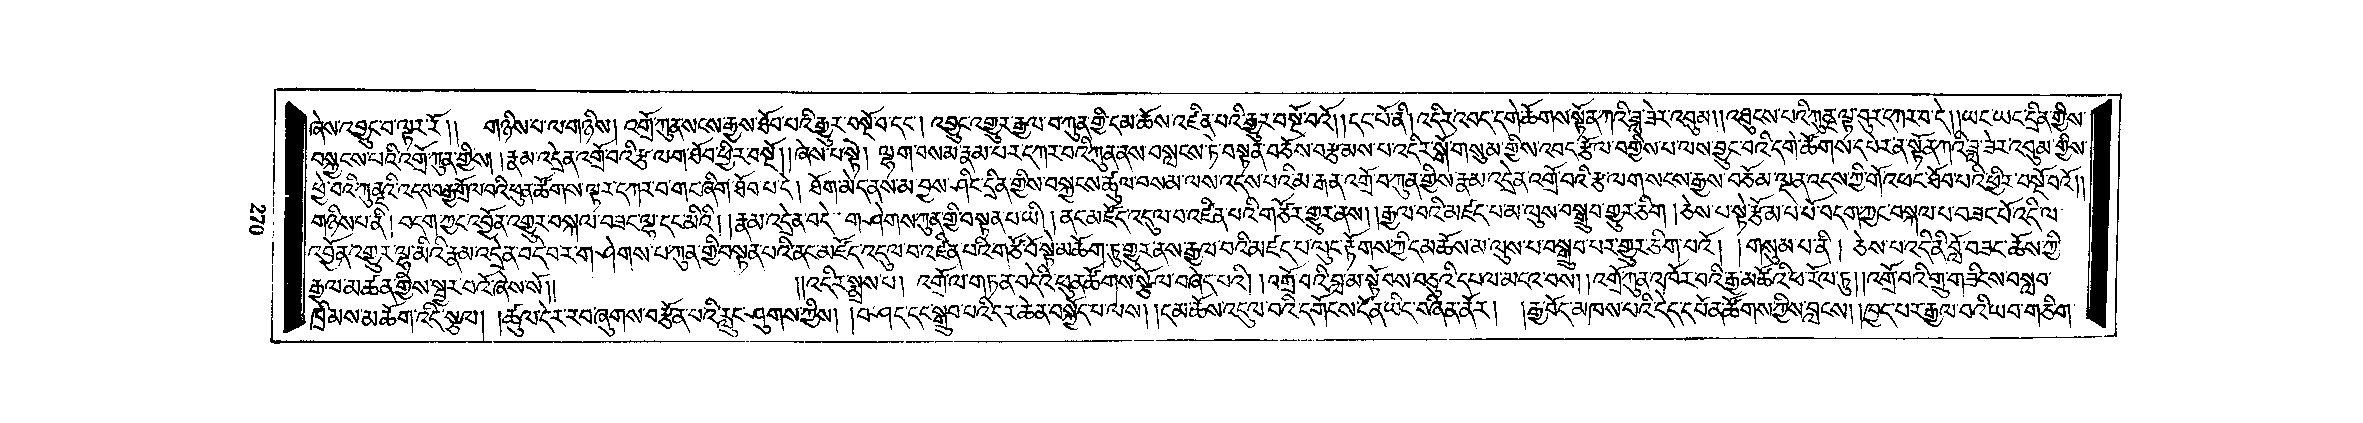ཞེས་འབྱུང་བ་ལྟར་རོ། །གཉིས་པ་ལ་གཉིས། འགྲོ་ཀུན་སངས་རྒྱས་ཐོབ་པའི་རྒྱུར་བསྔོ་བ་དང་། འབྱུང་འགྱུར་རྒྱལ་བ་ཀུན་གྱི་དམ་ཆོས་འཛིན་པའི་རྒྱུར་བསྔོ་བའོ། །དང་པོ་ནི། འདིར་འབད་དགེ་ཚོགས་སྟོན་ཀའི་ཟླ་ཟེར་འབུམ། །འཐུངས་པའི་ཀུནྡ་ལྟ་བུར་དཀར་བ་དེ། །ཡང་ཡང་དྲིན་གྱིས་
བསྐྱངས་པའི་འགྲོ་ཀུན་གྱིས། །རྣམ་འདྲེན་འགྲོ་བའི་རྩ་ལག་ཐོབ་ཕྱིར་བསྔོ། །ཞེས་པ་སྟེ། ལྷག་བསམ་རྣམ་པར་དཀར་བའི་ཀུན་ནས་བསླངས་ཏེ་བསྟན་བཅོས་བརྩམས་པ་འདིར་སྒོ་གསུམ་གྱིས་འབད་རྩོལ་བགྱིས་པ་ལས་བྱུང་བའི་དགེ་ཚོགས་དཔེར་ན་སྟོན་ཀའི་ཟླ་ཟེར་འབུམ་གྱིས་
ཕྱེ་བའི་ཀུནྡའི་འདབ་བརྒྱ་གྲོལ་བའི་ཕུན་ཚོགས་ལྟར་དཀར་བ་གང་ཞིག་ཐོབ་པ་དེ། ཐོག་མེད་ནས་མ་བྱས་ཤིང་དྲིན་གྱིས་བསྐྱངས་ཚུལ་བསམ་ལས་འདས་པའི་མ་རྒན་འགྲོ་བ་ཀུན་གྱིས་རྣམ་འདྲེན་འགྲོ་བའི་རྩ་ལག་སངས་རྒྱས་བཅོམ་ལྡན་འདས་ཀྱི་གོ་འཕང་ཐོབ་པའི་ཕྱིར་བསྔོ་བའོ། །
གཉིས་པ་ནི། བདག་ཀྱང་འབྱོན་འགྱུར་བསྐལ་བཟང་ལྷ་དང་མིའི། །རྣམ་འདྲེན་བདེ་གཤེགས་ཀུན་གྱི་བསྟན་པ་ཡི། །ནང་མཛོད་འདུལ་བ་འཛིན་པའི་གཙོར་གྱུར་ནས། །རྒྱལ་བའི་མཛད་པ་མ་ལུས་བསྒྲུབ་གྱུར་ཅིག །ཅེས་པ་སྟེ་རྩོམ་པ་པོ་བདག་ཀྱང་བསྐལ་པ་བཟང་པོ་འདི་ལ་
འབྱོན་འགྱུར་ལྷ་མིའི་རྣམ་འདྲེན་བདེ་བར་གཤེགས་པ་ཀུན་གྱི་བསྟན་པའི་ནང་མཛོད་འདུལ་བ་འཛིན་པའི་གཙོ་བོ་སྟེ་མཆོག་ཏུ་གྱུར་ནས་རྒྱལ་བའི་མཛད་པ་ལུང་རྟོགས་ཀྱི་དམ་ཆོས་མ་ལུས་པ་བསྒྲུབ་པར་གྱུར་ཅིག་པའོ། །གསུམ་པ་ནི། ཅེས་པ་འདི་ནི་བློ་བཟང་ཆོས་ཀྱི་
རྒྱལ་མཚན་གྱིས་སྦྱར་བའོ་ཞེས་སོ།། །།འདིར་སྨྲས་པ། འགྲོ་ལ་གཏན་བདེའི་ཕུན་ཚོགས་སྩོལ་བཞེད་པའི། །འགྲོ་བའི་བླ་མ་སྟོབས་བཅུའི་དཔལ་མངའ་བས། །འགྲོ་ཀུན་འཁོར་བའི་རྒྱ་མཚོའི་ཕ་རོལ་ཏུ། །འགྲོ་བའི་གྲུ་གཟིངས་བསླབ་
ཁྲིམས་མཆོག་འདི་སྩལ། །ཚུལ་དེར་རབ་ཞུགས་བརྩོན་པའི་རླུང་ཤུགས་ཀྱིས། །བཤད་དང་སྒྲུབ་པའི་དར་ཆེན་བསྐྱོད་པ་ལས། །དམ་ཆོས་འདུལ་བའི་དགོངས་དོན་ཡིད་བཞིན་ནོར། །རྒྱ་བོད་མཁས་པའི་དེད་དཔོན་ཚོགས་ཀྱིས་བླངས། །ཁྱད་པར་རྒྱལ་བའི་ཡབ་གཅིག་